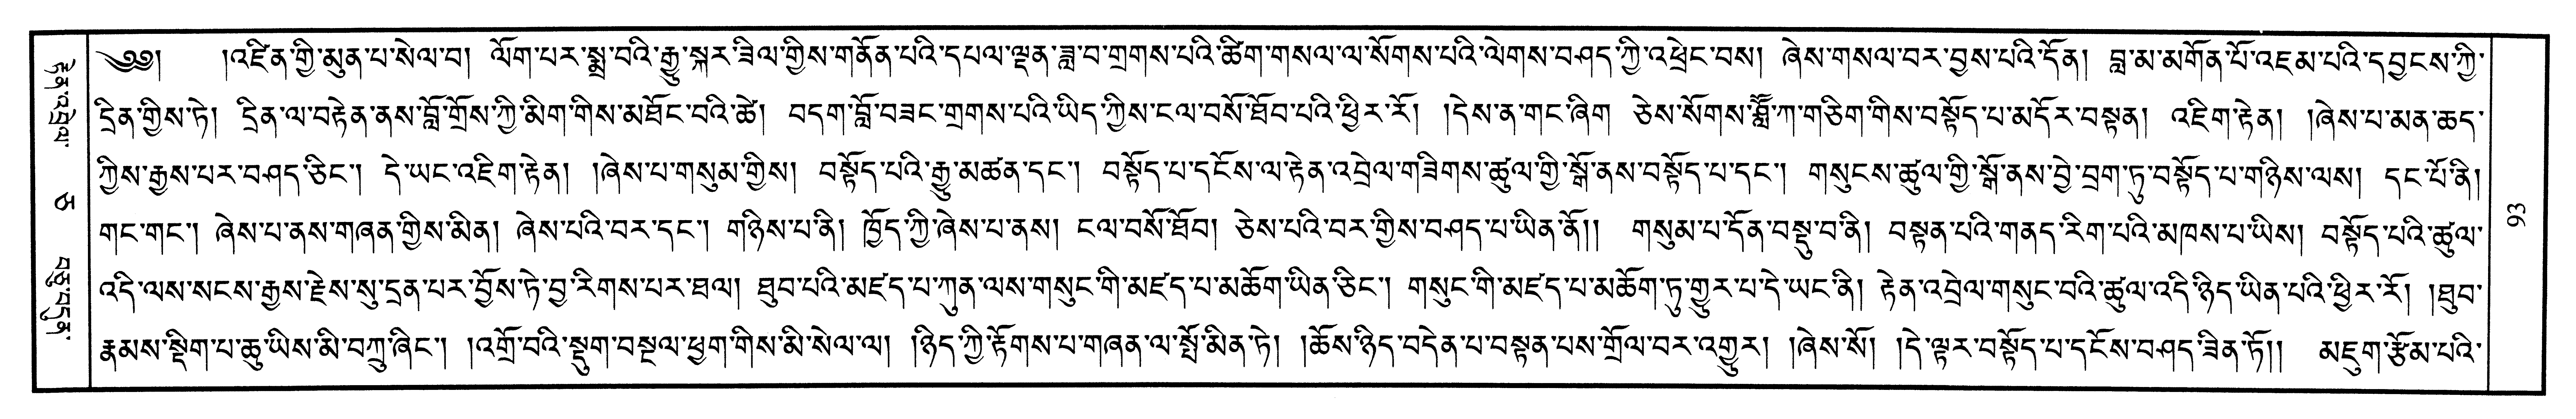༄༅། །འཛིན་གྱི་མུན་པ་སེལ་བ། ལོག་པར་སྨྲ་བའི་རྒྱུ་སྐར་ཟིལ་གྱིས་གནོན་པའི་དཔལ་ལྡན་ཟླ་བ་གྲགས་པའི་ཚིག་གསལ་ལ་སོགས་པའི་ལེགས་བཤད་ཀྱི་འཕྲེང་བས། ཞེས་གསལ་བར་བྱས་པའི་དོན། བླ་མ་མགོན་པོ་འཇམ་པའི་དབྱངས་ཀྱི་
དྲིན་གྱིས་ཏེ། དྲིན་ལ་བརྟེན་ནས་བློ་གྲོས་ཀྱི་མིག་གིས་མཐོང་བའི་ཚེ། བདག་བློ་བཟང་གྲགས་པའི་ཡིད་ཀྱིས་ངལ་བསོ་ཐོབ་པའི་ཕྱིར་རོ། །དེས་ན་གང་ཞིག །ཅེས་སོགས་ཤླཽ་ཀ་གཅིག་གིས་བསྟོད་པ་མདོར་བསྟན། འཇིག་རྟེན། །ཞེས་པ་མན་ཆད་
ཀྱིས་རྒྱས་པར་བཤད་ཅིང་། དེ་ཡང་འཇིག་རྟེན། །ཞེས་པ་གསུམ་གྱིས། བསྟོད་པའི་རྒྱུ་མཚན་དང་། བསྟོད་པ་དངོས་ལ་རྟེན་འབྲེལ་གཟིགས་ཚུལ་གྱི་སྒོ་ནས་བསྟོད་པ་དང་། གསུངས་ཚུལ་གྱི་སྒོ་ནས་བྱེ་བྲག་ཏུ་བསྟོད་པ་གཉིས་ལས། དང་པོ་ནི།
གང་གང་། ཞེས་པ་ནས་གཞན་གྱིས་མིན། ཞེས་པའི་བར་དང་། གཉིས་པ་ནི། ཁྱོད་ཀྱི་ཞེས་པ་ནས། ངལ་བསོ་ཐོབ། ཅེས་པའི་བར་གྱིས་བཤད་པ་ཡིན་ནོ།། གསུམ་པ་དོན་བསྡུ་བ་ནི། བསྟན་པའི་གནད་རིག་པའི་མཁས་པ་ཡིས། བསྟོད་པའི་ཚུལ་
འདི་ལས་སངས་རྒྱས་རྗེས་སུ་དྲན་པར་བྱོས་ཏེ་བྱ་རིགས་པར་ཐལ། ཐུབ་པའི་མཛད་པ་ཀུན་ལས་གསུང་གི་མཛད་པ་མཆོག་ཡིན་ཅིང་། གསུང་གི་མཛད་པ་མཆོག་ཏུ་གྱུར་པ་དེ་ཡང་ནི། རྟེན་འབྲེལ་གསུང་བའི་ཚུལ་འདི་ཉིད་ཡིན་པའི་ཕྱིར་རོ། །ཐུབ་
རྣམས་སྡིག་པ་ཆུ་ཡིས་མི་བཀྲུ་ཞིང་། །འགྲོ་བའི་སྡུག་བསྔལ་ཕྱག་གིས་མི་སེལ་ལ། །ཉིད་ཀྱི་རྟོགས་པ་གཞན་ལ་སྤོ་མིན་ཏེ། །ཆོས་ཉིད་བདེན་པ་བསྟན་པས་གྲོལ་བར་འགྱུར། །ཞེས་སོ། །དེ་ལྟར་བསྟོད་པ་དངོས་བཤད་ཟིན་ཏོ།། མཇུག་རྩོམ་པའི་